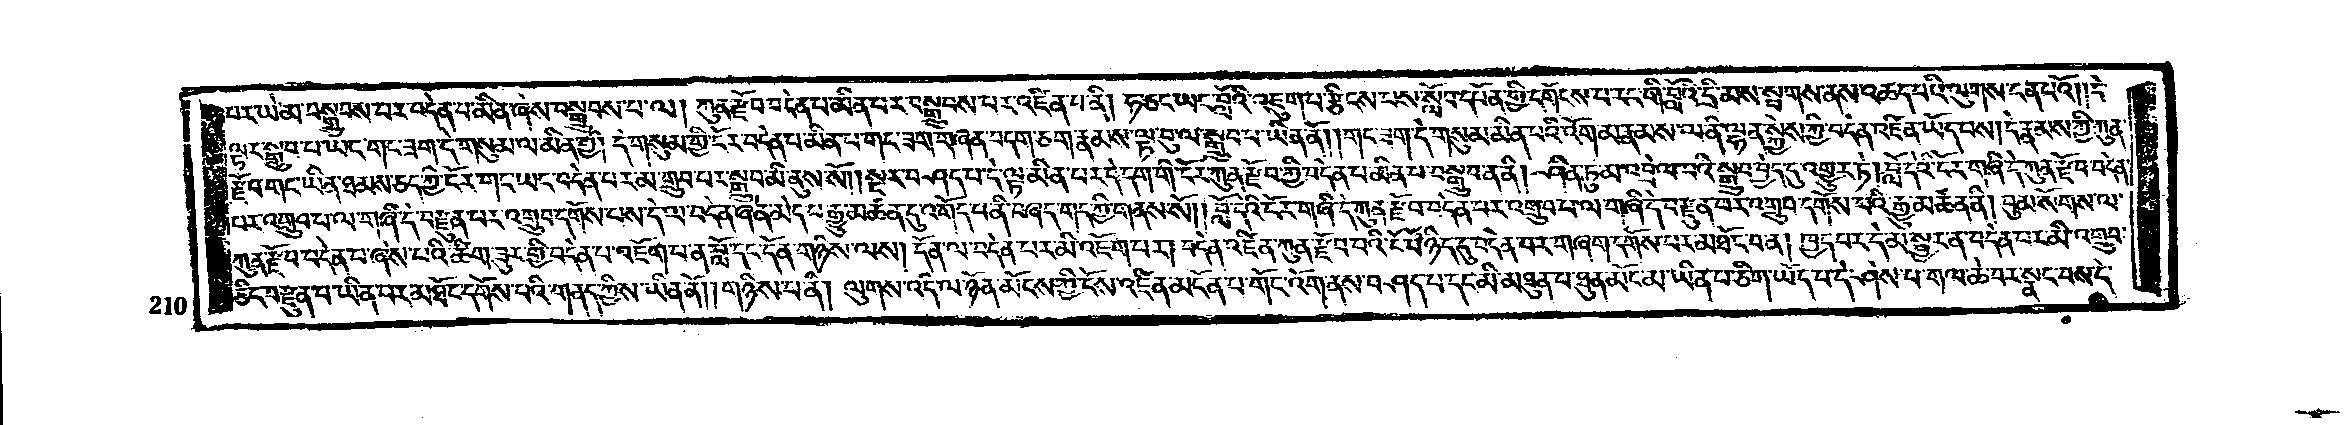པར་ཡི་མ་བསྒྲུབས་པར་བདེན་པ་མིན་ཞེས་བསྒྲུབས་པ་ལ། ཀུན་རྫོབ་བདེན་པ་མིན་པར་བསྒྲུབས་པར་འཛིན་པ་ནི། ཧ་ཅང་ཡང་བློའི་འཇུག་པ་རྩིངས་པས་སློབ་དཔོན་གྱི་དགོངས་པ་རང་གི་བློའི་དྲི་མས་སྦགས་ནས་འཆད་པའི་ལུགས་ངན་པའོ། །དེ་
ལྟར་སྒྲུབ་པ་ཡང་གང་ཟག་དེ་གསུམ་ལ་མིན་གྱི། དེ་གསུམ་གྱི་ངོར་བདེན་པ་མིན་པ་གང་ཟག་གཞན་བདག་ཅག་རྣམས་ལྟ་བུ་ལ་སྒྲུབ་པ་ཡིན་ནོ། །གང་ཟག་དེ་གསུམ་མིན་པའི་འོག་མ་རྣམས་ལ་ནི་ལྷན་སྐྱེས་ཀྱི་བདེན་འཛིན་ཡོད་པས། དེ་རྣམས་ཀྱི་ཀུན་
རྫོབ་གང་ཡིན་ཐམས་ཅད་ཀྱི་ངོར་གང་ཡང་བདེན་པར་མ་གྲུབ་པར་སྒྲུབ་མི་ནུས་སོ། །སྔར་བཤད་པ་དེ་ལྟ་མིན་པར་དེ་དག་གི་ངོར་ཀུན་རྫོབ་ཀྱི་བདེན་པ་མིན་པ་བསྒྲུབ་ན་ནི། ཤིན་ཏུ་མ་འབྲེལ་བའི་སྒྲུབ་བྱེད་དུ་འགྱུར་ཏེ། བློ་དེའི་ངོར་གཞི་དེ་ཀུན་རྫོབ་བདེན་
པར་འགྲུབ་པ་ལ་གཞི་དེ་བརྫུན་པར་འགྲུབ་དགོས་པས་དེ་ལ་བདེན་ཞེན་མེད་པ་རྒྱུ་མཚན་དུ་འགོད་པ་ནི་བཞད་གང་ཀྱི་གནས་སོ། །བློ་དེའི་ངོར་གཞི་དེ་ཀུན་རྫོབ་བདེན་པར་འགྲུབ་པ་ལ་གཞི་དེ་བརྫུན་པར་འགྲུབ་དགོས་པའི་རྒྱུ་མཚན་ནི། བུམ་སོགས་ལ་
ཀུན་རྫོབ་བདེན་པ་ཞེས་པའི་ཚིག་ཟུར་གྱི་བདེན་པ་འཇོག་པ་ན་བློ་དང་དོན་གཉིས་ལས། དོན་ལ་བདེན་པར་མི་འཇོག་པར། བདེན་འཛིན་ཀུན་རྫོབ་པའི་ངོ་བོ་ཉིད་དུ་བདེན་པར་གཞག་དགོས་པར་མཐོང་བ་ན། ཁྱད་པར་དེ་མ་སྦྱར་ན་བདེན་པར་མི་འགྲུབ་
ཅིང་བརྫུན་པ་ཡིན་པར་མཐོང་དགོས་པའི་གནད་ཀྱིས་ཡིན་ནོ། །གཉིས་པ་ནི། ལུགས་འདི་ལ་ཉོན་མོངས་ཀྱི་ངོས་འཛིན་མངོན་པ་གོང་འོག་ནས་བཤད་པ་དང་མི་མཐུན་པ་ཐུན་མོང་མ་ཡིན་པ་ཞིག་ཡོད་པ་དེ་ཤེས་པ་གལ་ཆེ་བར་སྣང་བས་དེ་